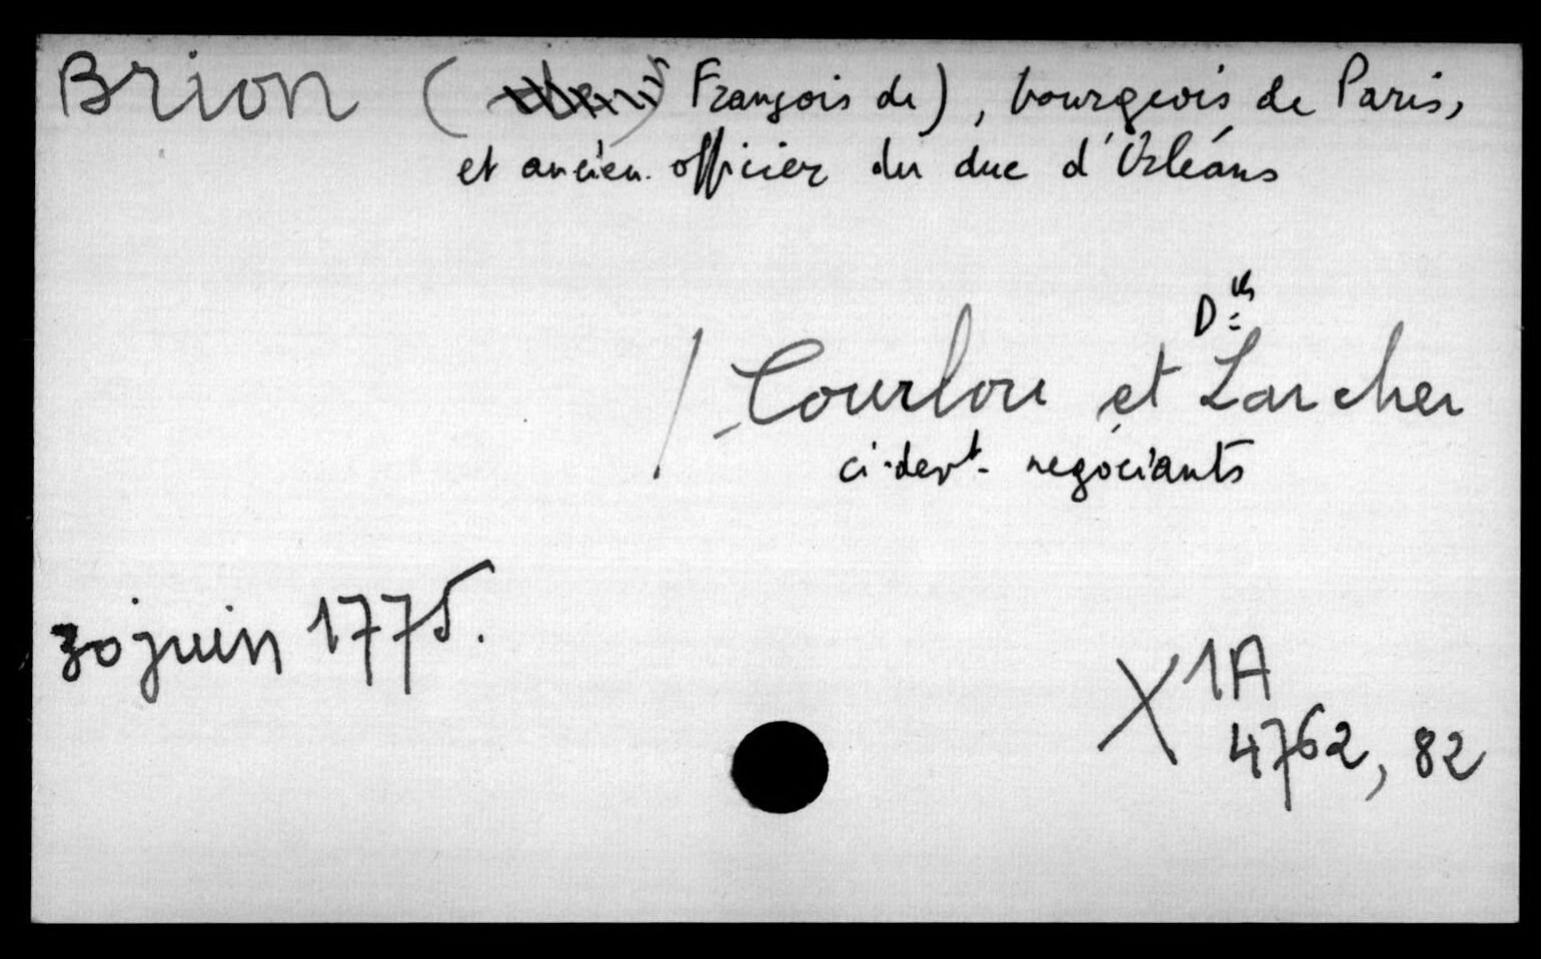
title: BRION (François de), bourgeois de Paris et ancien officier du duc d'Orléans
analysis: Contre Courlon et demoiselle Larcher ci-devant négociants
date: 30 juin 1775
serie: X1A
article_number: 4762
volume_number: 82
